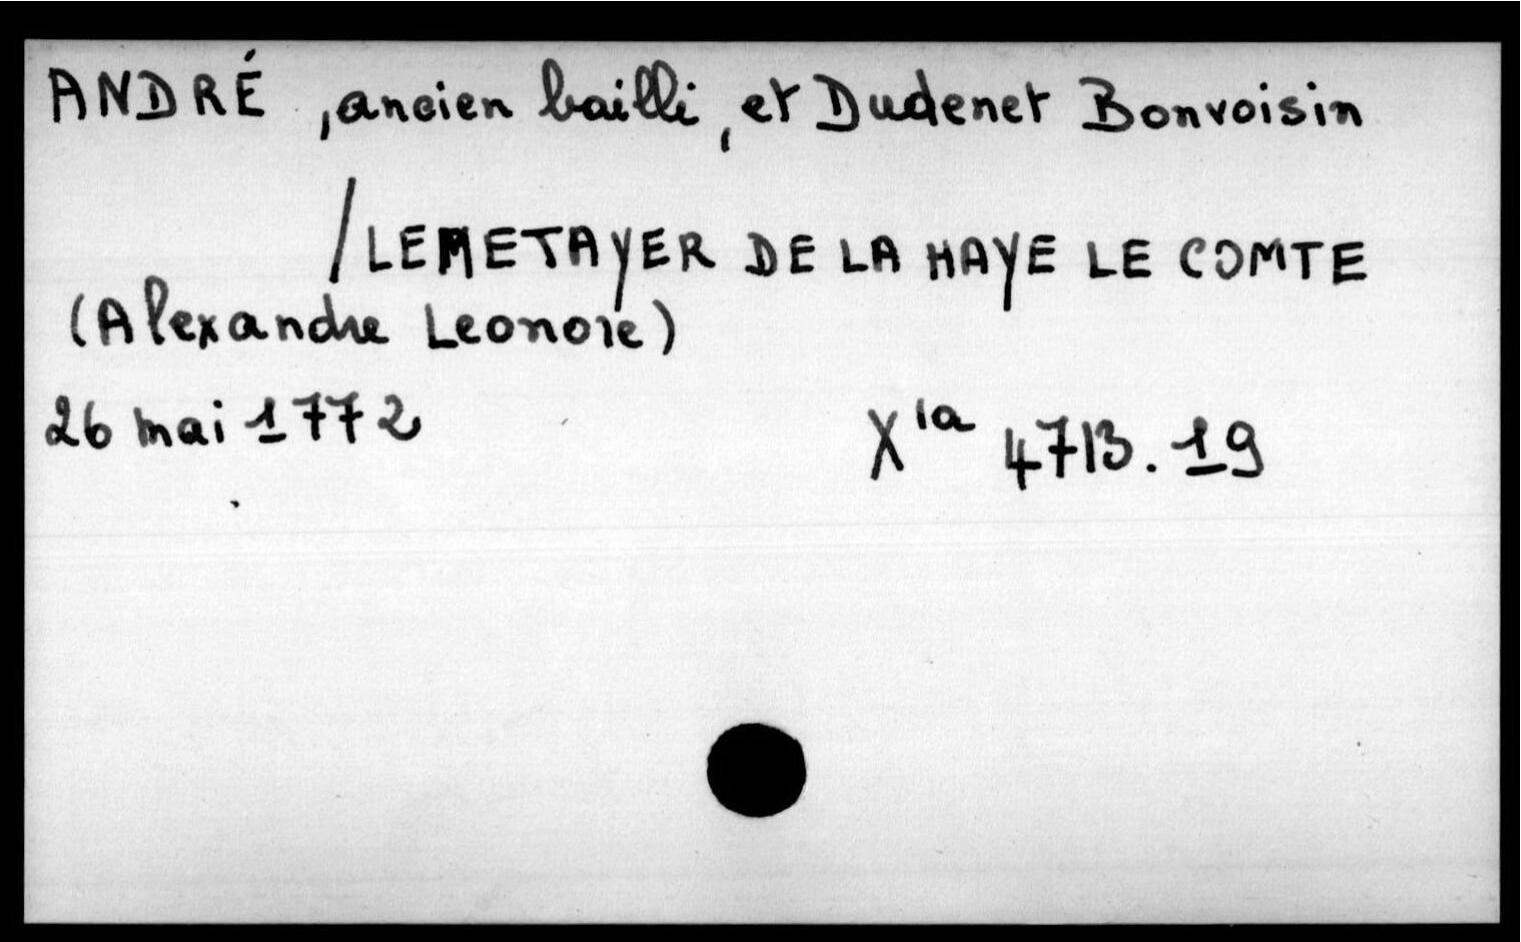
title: ANDRÉ, ancien bailli, et Dudenet Bonvoisin
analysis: Contre LEMETAYER DE LA HAYE LE COMTE (Alexandre Leonore)
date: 26 mai 1772
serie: X1a
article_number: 4713
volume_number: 19
